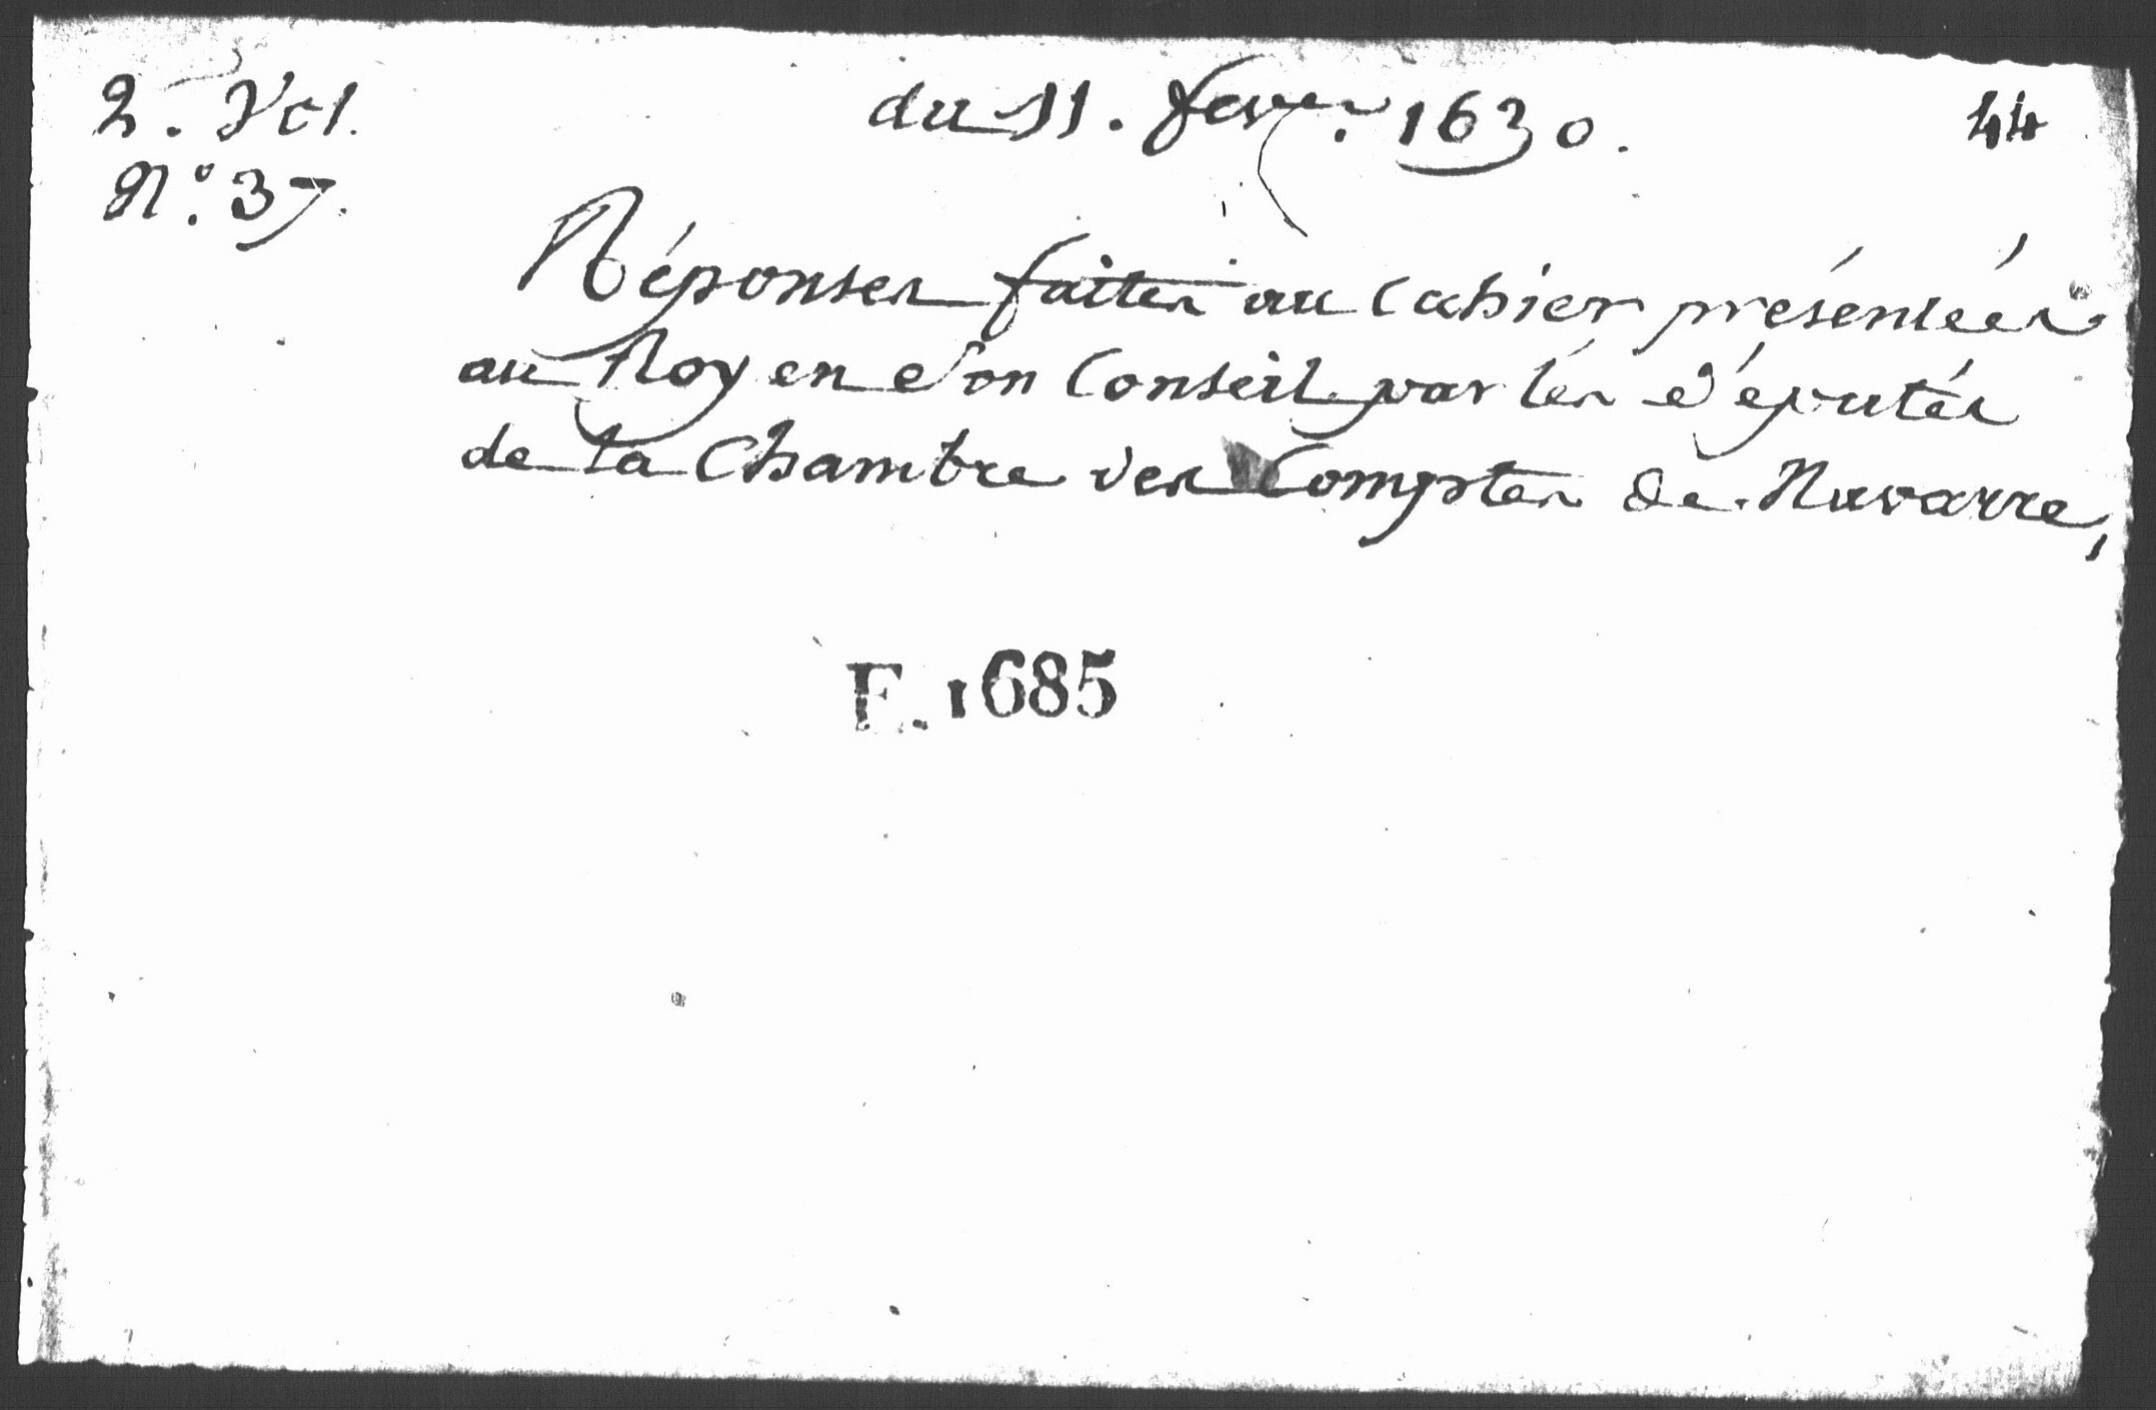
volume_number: n°37
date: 11 février 1630
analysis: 44
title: Réponses faites au cahier présentées au Roy en son Conseil ^par les députés de la chambre des comptes de Navarre
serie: E
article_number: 1685
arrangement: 2. vol.
